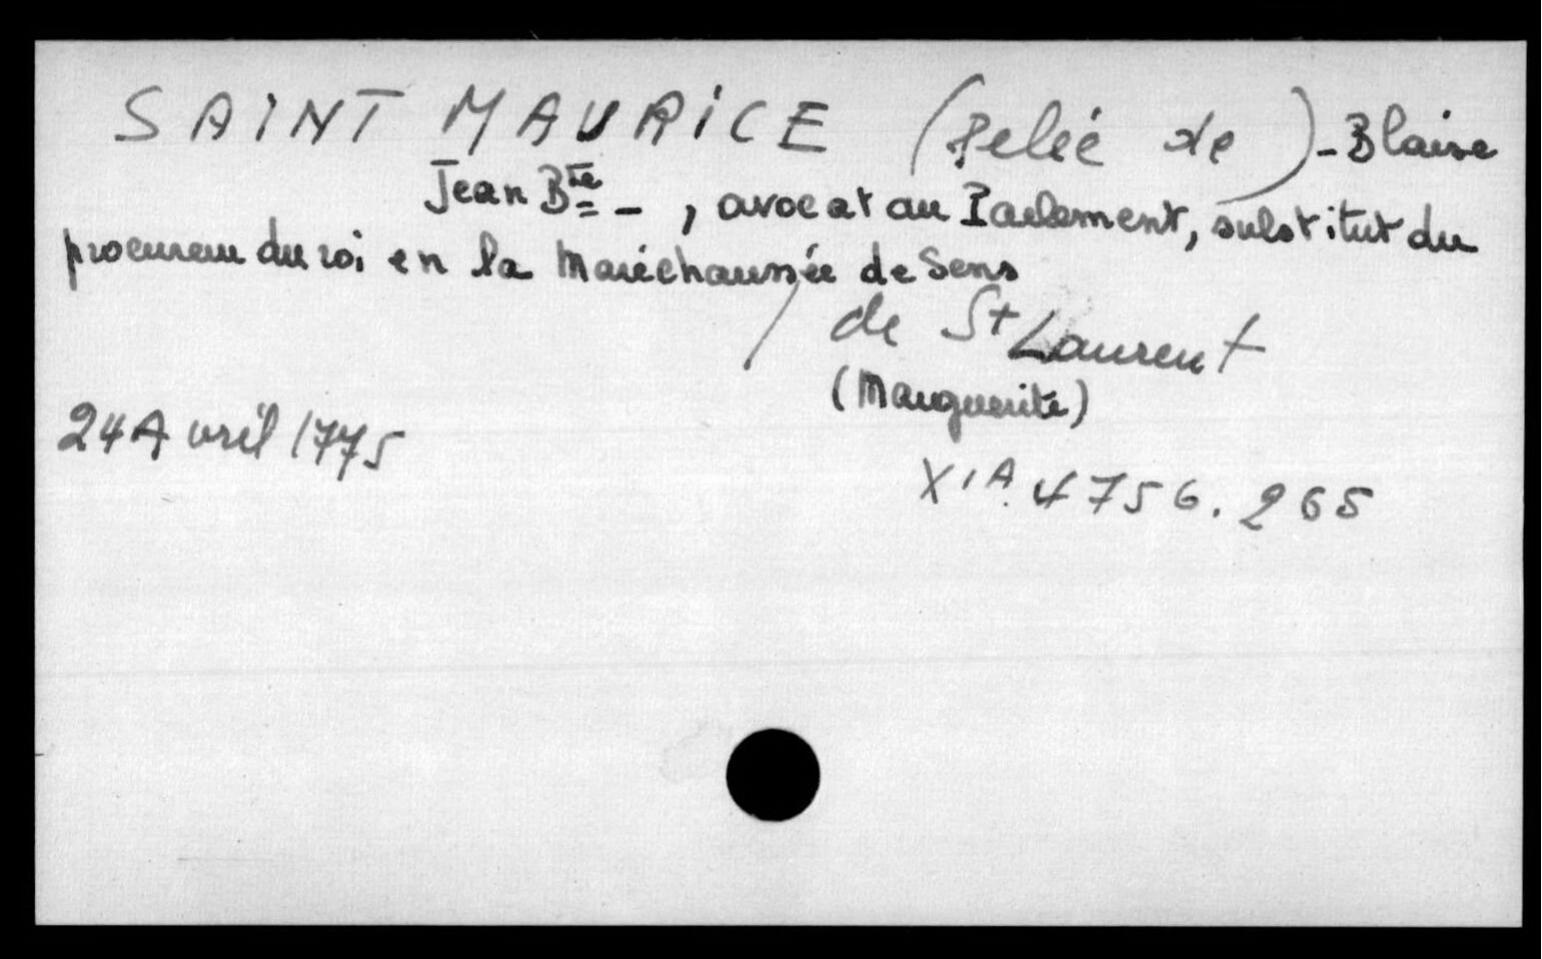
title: SAINT MAURICE (Jean BAptiste (Pelée de)- Blaise Jean Baptiste - avocat au Parlement, substitut du procureur du roi en la maréchaussée de Sens
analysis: Contre de Saint Laurent (Marguerite)
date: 24 avril 1775
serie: X1A
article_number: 4756
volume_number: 265
